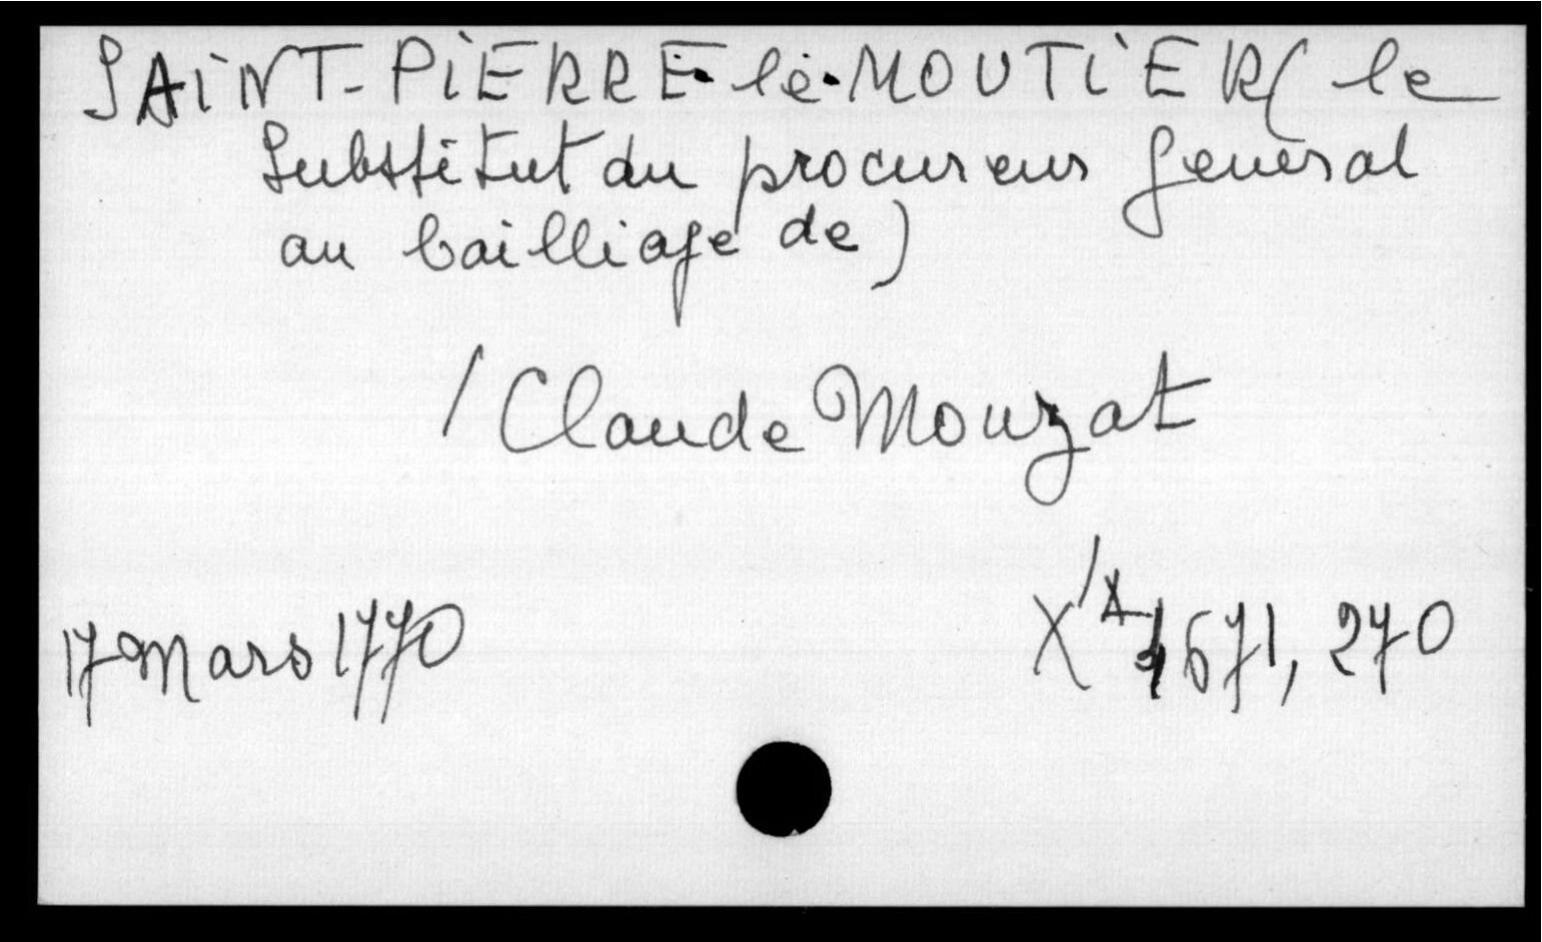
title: SAINT-PIERRE le MOUTIER (le substitut du procureur général au bailliage de)
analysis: Contre Claude Mouzat
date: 17 mars 1770
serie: X1A
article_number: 4671
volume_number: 270
